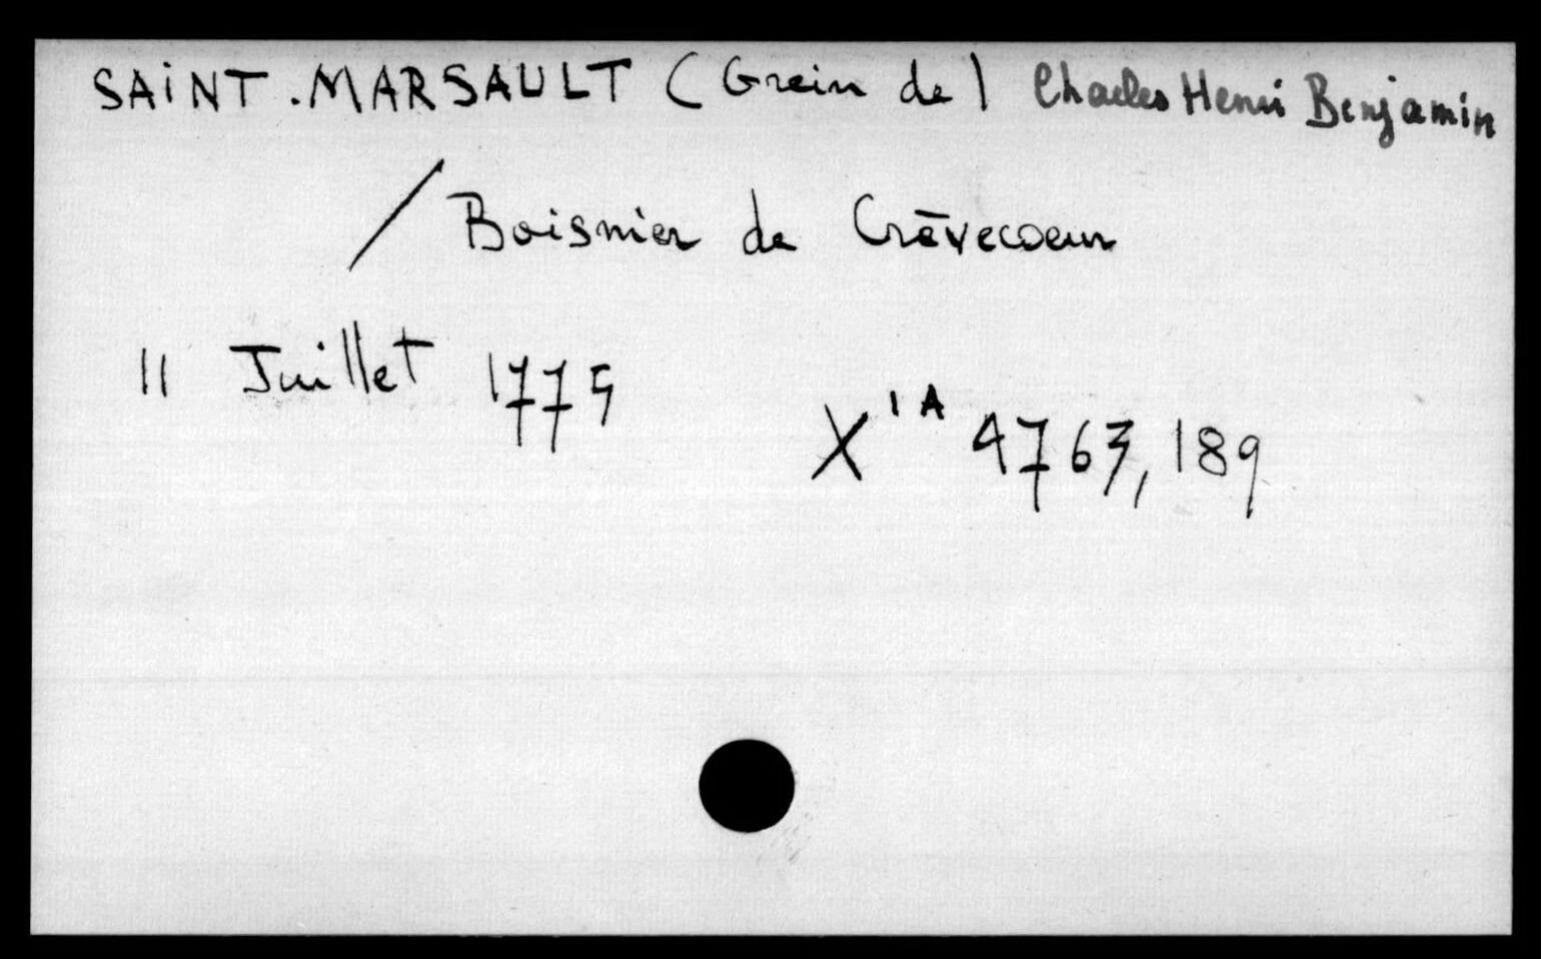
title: SAINT-MARSAULT (Grain de) Charles Henri Benjamin
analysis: Contre Boismier de Crévecoeur
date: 11 juillet 1775
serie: X1A
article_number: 4763
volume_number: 189
